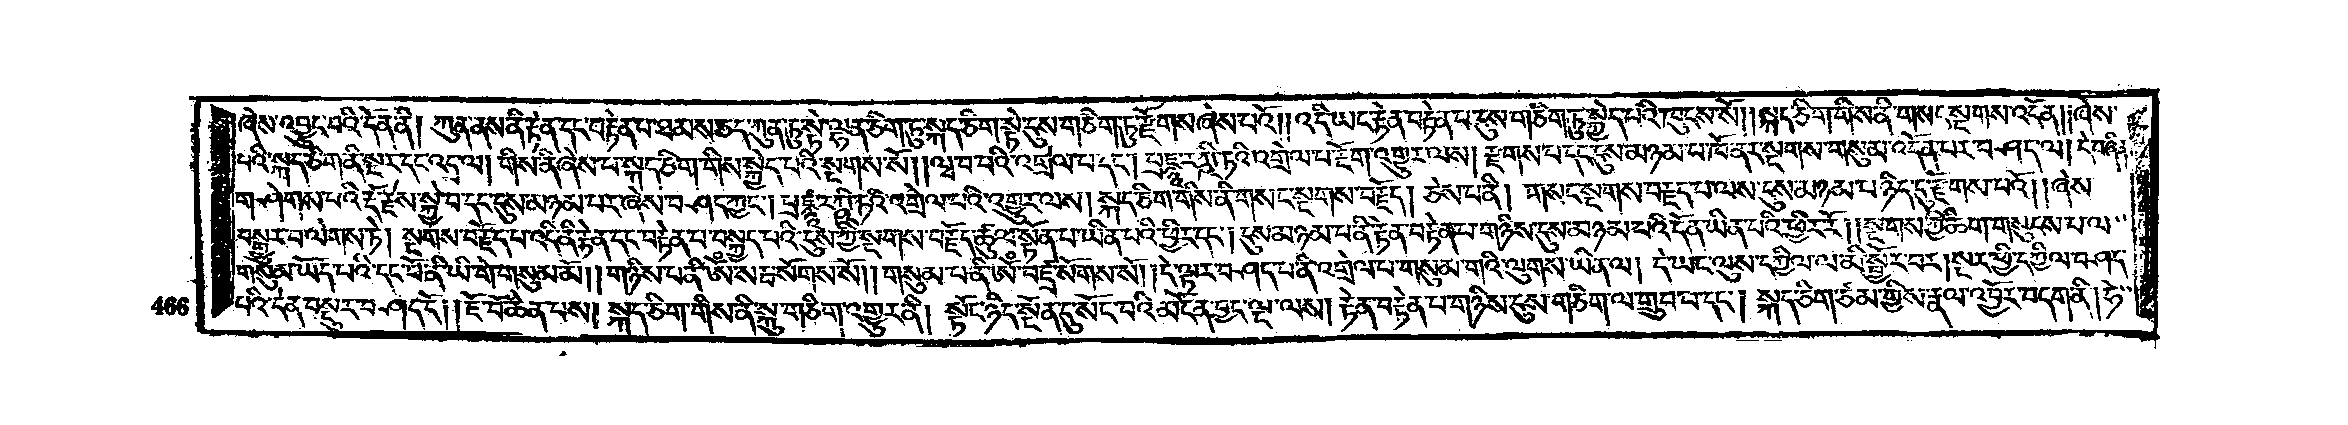ཞེས་འབྱུང་བའི་དོན་ནི། ཀུན་ནས་ནི་རྟེན་དང་བརྟེན་པ་ཐམས་ཅད་ཀུན་ཏུ་སྟེ་ལྷན་ཅིག་ཏུ་སྐད་ཅིག་སྟེ་དུས་གཅིག་ཏུ་རྫོགས་ཞེས་པའོ། །འདི་ཡང་རྟེན་བརྟེན་པ་དུས་གཅིག་ཏུ་སྐྱེད་པའི་ཁུངས་སོ། །སྐད་ཅིག་གིས་ནི་གསང་སྔགས་འདོན། །ཞེས་
པའི་སྐད་ཅིག་ནི་སྔར་དང་འདྲ་ལ། གིས་ནི་ཞེས་པ་སྐད་ཅིག་གིས་སྐྱེད་པའི་སྔགས་སོ། །ལྭ་བ་པའི་འགྲེལ་པ་དང་། པྲཛྙཱ་རཀྵི་ཏའི་འགྲེལ་པ་རྔོག་འགྱུར་ལས། རྫོགས་པ་དང་དུས་མཉམ་པ་ཁོ་ནར་སྔགས་གསུམ་འདོན་པར་བཤད་ལ། དེ་བཞིན་
གཤེགས་པའི་རྡོ་རྗེས་སྐྱེ་བ་དང་དུས་མཉམ་པར་ཞེས་བཤད་ཀྱང་། པྲཛྙཱ་རཀྵི་ཏའི་འགྲེལ་པའི་འགྱུར་ལས། སྐད་ཅིག་གིས་ནི་གསང་སྔགས་བརྗོད། ཅེས་པ་ནི། གསང་སྔགས་བརྗོད་པ་ལས་དུས་མཉམ་པ་ཉིད་དུ་རྫོགས་པའོ། །ཞེས་
བསྒྱུར་བ་ལེགས་ཏེ། སྔགས་བརྗོད་པ་འདི་ནི་རྟེན་དང་བརྟེན་པ་བསྐྱེད་པའི་དུས་ཀྱི་སྔགས་བརྗོད་ཚུལ་སྟོན་པ་ཡིན་པའི་ཕྱིར་དང་། དུས་མཉམ་པ་ནི་རྟེན་བརྟེན་པ་གཉིས་དུས་མཉམ་པའི་དོན་ཡིན་པའི་ཕྱིར་རོ། །སྔགས་ཀྱི་ཚིག་གསུངས་པ་ལ་
གསུམ་ཡོད་པའི་དང་པོ་ནི་ཡི་གེ་གསུམ་མོ། །གཉིས་པ་ནི་ཨོཾ་སརྦ་སོགས་སོ། །གསུམ་པ་ནི་ཨོཾ་བཛྲ་སོགས་སོ། །དེ་ལྟར་བཤད་པ་ནི་འགྲེལ་པ་གསུམ་གའི་ལུགས་ཡིན་ལ། དེ་ཡང་ལུས་དཀྱིལ་ལ་མི་སྦྱོར་བར། སྔར་ཕྱི་དཀྱིལ་བཤད་
པའི་དོན་བསྡུར་བཤད་དོ། །ཇོ་བོ་ཆེན་པས། སྐད་ཅིག་གིས་ནི་སྐུ་གཅིག་འགྱུར་ནི། སྟོང་ཉིད་སྔོན་དུ་སོང་བའི་མངོན་བྱང་ལྔ་ལས། རྟེན་བརྟེན་པ་གཉིས་དུས་གཅིག་ལ་གྲུབ་པ་དང་། སྐད་ཅིག་ཙམ་གྱིས་རྣལ་འབྱོར་བདག་ནི། ཧེ་